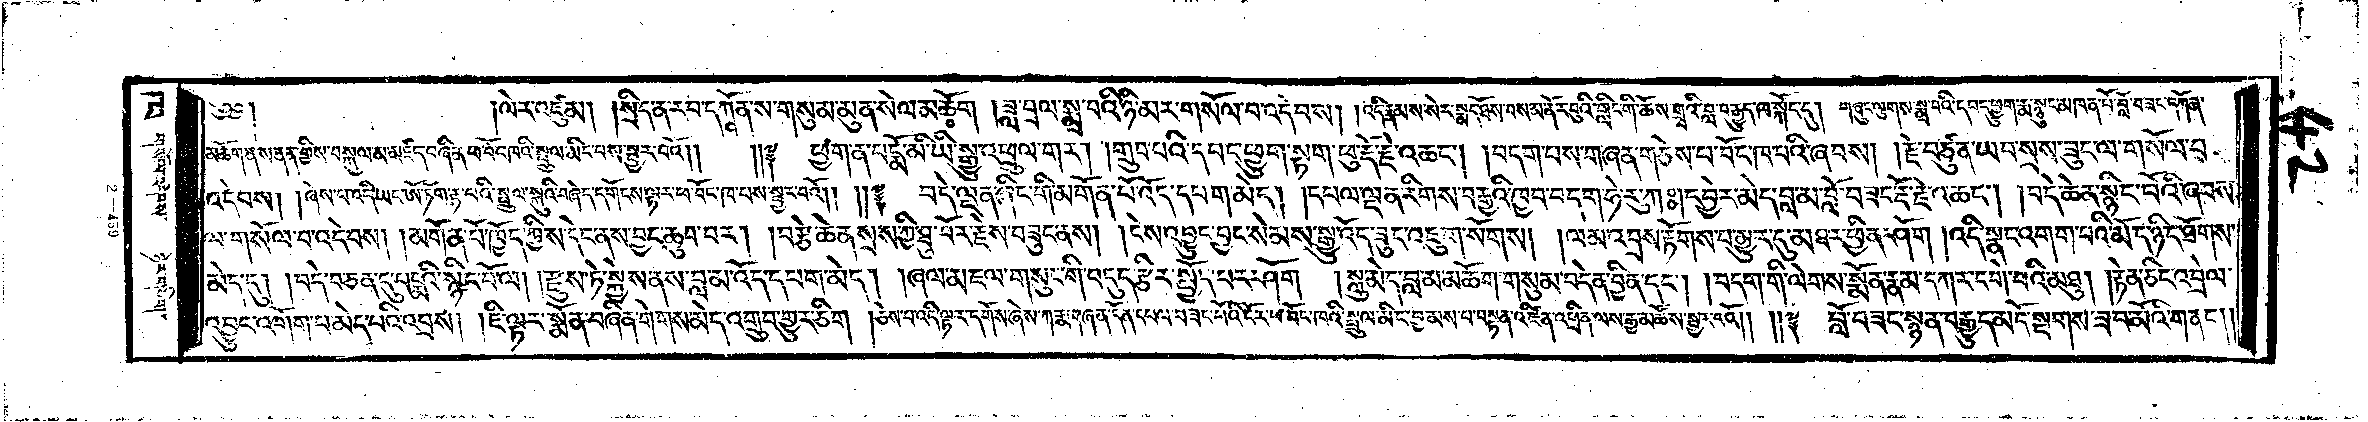༄༅་ལེར་འཛུམ། །སྲིད་ན་རབ་དཀོན་ས་གསུམ་མུན་སེལ་མཆོག །ཟླ་བྲལ་སྨྲ་བའི་ཉི་མར་གསོལ་བ་འདེབས། །འདི་རྣམས་སེར་སྨད་ཐོས་བསམ་ནོར་བུའི་གླིང་གི་ཆོས་གྲྭའི་བླ་བརྒྱུད་ལ་སྐོང་དུ། གཞུང་ལུགས་སྨྲ་བའི་དབང་ཕྱུག་རྨ་སྙུང་མཁན་པོ་བློ་བཟང་དཀོན་
མཆོག་ནས་ནན་གྱིས་བསྐུལ་མ་མཛད་བཞིན་ཕ་བོང་ཁའི་སྤྲུལ་མིང་བས་སྦྱར་བའོ།། །།༈ ཕྱག་ན་པདམོ་མི་ཡི་སྒྱུ་འཕྲུལ་གར། །གྲུབ་པའི་དབང་ཕྱུག་སྟག་ཕུ་རྡོ་རྗེ་འཆང་། །བདག་པས་གཞན་གཅེས་པ་བོང་ཁ་པའི་ཞབས། །རྗེ་བཙུན་ཡབ་སྲས་ཟུང་ལ་གསོལ་བ་
འདེབས། །ཞེས་པ་འདི་ཡང་ཨོ་ཏོག་རྟ་པའི་སྤྲུལ་སྐུའི་བཞེད་དགོངས་ལྟར་ཕ་བོང་ཁ་པས་སྦྱར་བའོ།།  །། ༈ བདེ་ལྡན་ཞིང་གི་མགོན་པོ་འོད་དཔག་མེད། །དཔལ་ལྡན་རིགས་བརྒྱའི་ཁྱབ་བདག་ཧེ་རུ་ཀཿ །དབྱེར་མེད་བླ་མ་བློ་བཟང་རྡོ་རྗེ་འཆང་། །བདེ་ཆེན་སྙིང་པོའི་ཞབས་
ལ་གསོལ་བ་འདེབས། །མགོན་པོ་ཁྱོད་ཀྱིས་དེང་ནས་བྱང་ཆུབ་བར། །བརྩེ་ཆེན་སྲས་ཀྱི་ཐུ་བོར་རྗེས་བཟུང་ནས། །ངེས་འབྱུང་བྱང་སེམས་སྒྱུ་འོད་ཟུང་འཇུག་སོགས། །ལམ་འབྲས་རྟོགས་བ་མྱུར་དུ་མཐར་ཕྱིན་ཤོག །འདི་སྣང་འགག་བའི་མོད་ཉིད་ཐོགས་
མེད་དུ། །བདེ་བ་ཅན་དུ་པདམའི་སྙིང་པོ་ལ། །རྫུས་ཏེ་སྐྱེས་ནས་བླ་མ་འོད་དཔག་མེད། །ཞལ་མཇལ་གསུང་གི་བདུད་རྩིར་སྤྱོད་པར་ཤོག །སླུ་མེད་བླ་མ་མཆོག་གསུམ་བདེན་བྱིན་དང་། །བདག་གི་ལེགས་སྨོན་རྣམ་དཀར་དགེ་བའི་མཐུ། །རྟེན་ཅིང་འབྲེལ་
འབྱུང་འགོག་པ་མེད་པའི་འབྲས། །ཇི་ལྟར་སྨོན་བཞིན་གེགས་མེད་འགྲུབ་གྱུར་ཅིག་།ཅེས་པ་འདི་ལྟར་དགོས་ཞེས་ཀརྨ་གཞན་དོན་དཔལ་བཟང་པོའི་ངོར་ཕ་བོང་ཁའི་སྤྲུལ་མིང་བྱམས་པ་བསྟན་འཛིན་འཕྲིན་ལས་རྒྱ་མཚོས་སྦྱར་བའོ།།  །།༈ བློ་བཟང་སྙན་བརྒྱུད་མདོ་སྔགས་ཟབ་མོའི་གནང།།